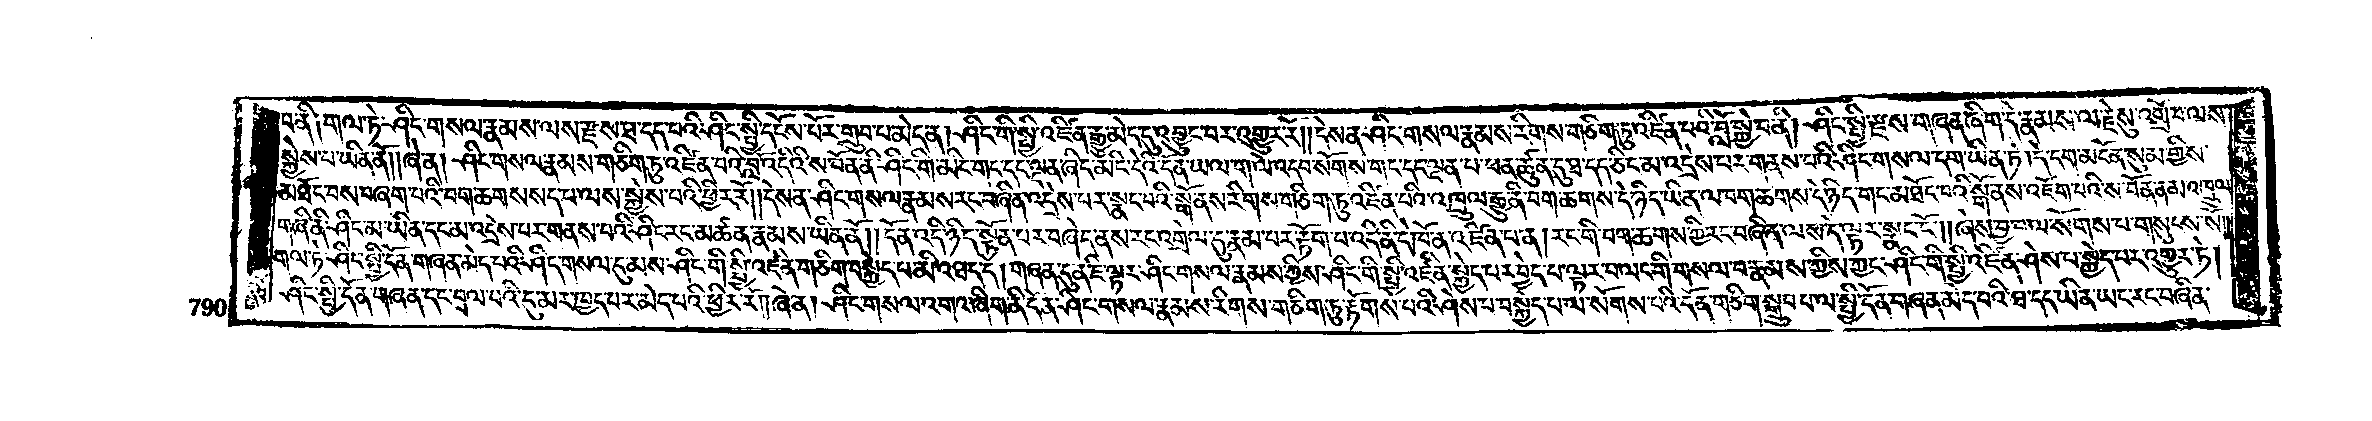པ་ནི། གལ་ཏེ་ཤིང་གསལ་རྣམས་ལས་རྫས་ཐ་དད་པའི་ཤིང་སྤྱི་དངོས་པོར་གྲུབ་པ་མེད་ན། ཤིང་གི་སྤྱི་འཛིན་རྒྱུ་མེད་དུ་འབྱུང་བར་འགྱུར་རོ། །དེས་ན་ཤིང་གསལ་རྣམས་རིགས་གཅིག་ཏུ་འཛིན་པའི་བློ་སྐྱེ་བ་ནི། ཤིང་སྤྱི་རྫས་གཞན་ཞིག་དེ་རྣམས་ལ་རྗེས་སུ་འགྲོ་བ་ལས་
སྐྱེས་པ་ཡིན་ནོ། །ཞེ་ན། ཤིང་གསལ་རྣམས་གཅིག་ཏུ་འཛིན་པའི་བློ་འདིའི་ས་བོན་ནི་ཤིང་གི་མིང་གང་དང་ལྡན་ཞིང་མིང་དེའི་དོན་ཡལ་ག་ལོ་འདབ་སོགས་གང་དང་ལྡན་པ་ཕན་ཚུན་དུ་ཐ་དད་ཅིང་མ་འདྲེས་པར་གནས་པའི་ཤིང་གསལ་དག་ཡིན་ཏེ། དེ་དག་མངོན་སུམ་གྱིས་
མཐོང་བས་བཞག་པའི་བག་ཆགས་སད་པ་ལས་སྐྱེས་པའི་ཕྱིར་རོ། །དེས་ན་ཤིང་གསལ་རྣམས་རང་བཞིན་འདྲེས་པར་སྣང་བའི་སྒོ་ནས་རིགས་གཅིག་ཏུ་འཛིན་པའི་འཁྲུལ་རྒྱུ་ནི་བག་ཆགས་དེ་ཉིད་ཡིན་ལ་བག་ཆགས་དེ་ཉིད་གང་མཐོང་བའི་སྒོ་ནས་འཇོག་པའི་ས་བོན་ནམ་འཁྲུལ་
གཞི་ནི་ཤིང་མ་ཡིན་དང་མ་འདྲེས་པར་གནས་པའི་ཤིང་རང་མཚན་རྣམས་ཡིན་ནོ། །དོན་འདི་ཉིད་སྟོན་པར་བཞེད་ནས་རང་འགྲེལ་དུ་རྣམ་པར་རྟོག་པ་འདི་ནི་དེ་ཁོ་ན་འཛིན་པ་ན། རང་གི་བག་ཆགས་ཀྱི་རང་བཞིན་ལས་དེ་ལྟར་སྣང་ངོ། །ཞེས་བྱ་བ་ལ་སོགས་པ་གསུངས་སོ་
གལ་ཏེ་ཤིང་སྤྱི་དོན་གཞན་མེད་པའི་ཤིང་གསལ་དུ་མས་ཤིང་གི་སྤྱི་འཛིན་གཅིག་བསྐྱེད་པ་མི་འཐད་དེ། གཞན་དུ་ན་ཇི་ལྟར་ཤིང་གསལ་རྣམས་ཀྱིས་ཤིང་གི་སྤྱི་འཛིན་སྐྱེད་པར་བྱེད་པ་ལྟར་བ་ལང་གི་གསལ་བ་རྣམས་ཀྱིས་ཀྱང་ཤིང་གི་སྤྱི་འཛིན་ཤེས་པ་སྐྱེད་པར་འགྱུར་ཏེ།
ཤིང་སྤྱི་དོན་གཞན་དང་བྲལ་པའི་དུ་མར་ཁྱད་པར་མེད་པའི་ཕྱིར་རོ། །ཞེ་ན། ཤིང་གསལ་འགའ་ཞིག་ནི་དོན་ཤིང་གསལ་རྣམས་རིགས་གཅིག་ཏུ་རྟོགས་པའི་ཤེས་པ་བསྐྱེད་པ་ལ་སོགས་པའི་དོན་གཅིག་སྒྲུབ་པ་ལ་སྤྱི་དོན་གཞན་མེད་པའི་ཐ་དད་ཡིན་ཡང་རང་བཞིན་